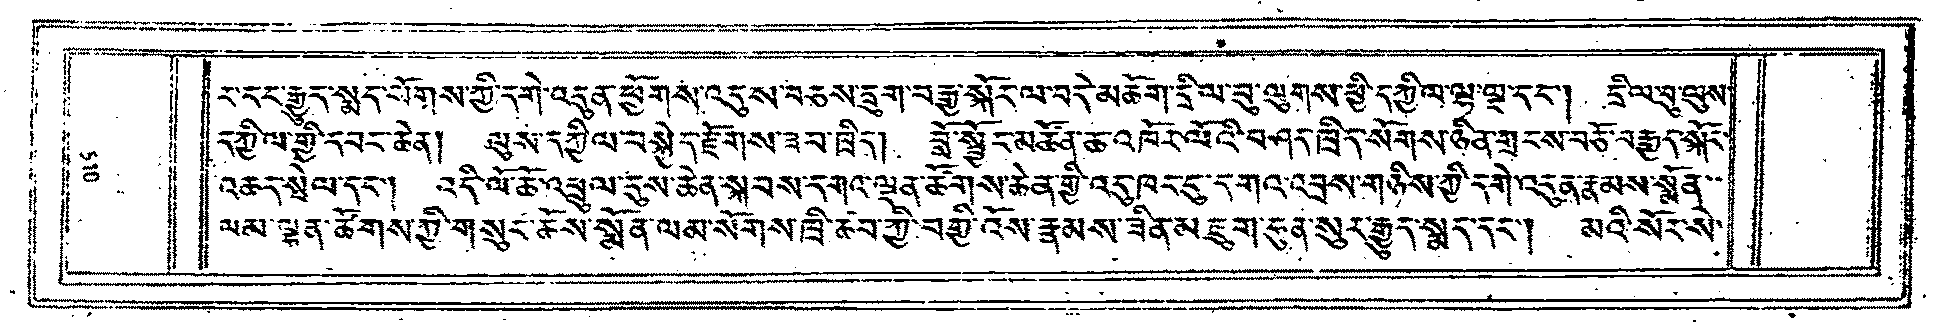ར་དང་རྒྱུད་སྨད་སོགས་ཀྱི་དགེ་འདུན་ཕྱོགས་འདུས་བཅས་དྲུག་བརྒྱ་སྐོར་ལ་བདེ་མཆོག་དྲིལ་བུ་ལུགས་ཕྱི་དཀྱིལ་ལྷ་ལྔ་དང་། དྲིལ་བུ་ལུས་
དཀྱིལ་གྱི་དབང་ཆེན། ལུས་དཀྱིལ་བསྐྱེད་རྫོགས་ཟབ་ཁྲིད། བློ་སྦྱོང་མཚོན་ཆ་འཁོར་ལོའི་བཤད་ཁྲིད་སོགས་ཉིན་གྲངས་བཅོ་བརྒྱད་སྐོར་
འཆད་སྤེལ་དང་། འདི་ལོ་ཆོ་འཕྲུལ་དུས་ཆེན་སྐབས་དགའ་ལྡན་ཚོགས་ཆེན་གྱི་འདུ་ཁང་དུ་དགའ་འབྲས་གཉིས་ཀྱི་དགེ་འདུན་རྣམས་སྨོན་
ལམ་ལྷན་ཚོགས་ཀྱི་གསུང་ཆོས་སྨོན་ལམ་སོགས་ཁྲི་ཚབ་ཀྱི་བགྱི་འོས་རྣམས་ཟིན་མཇུག་ཧུན་སུར་རྒྱུད་སྨད་དང་། མའི་སོར་སེ་